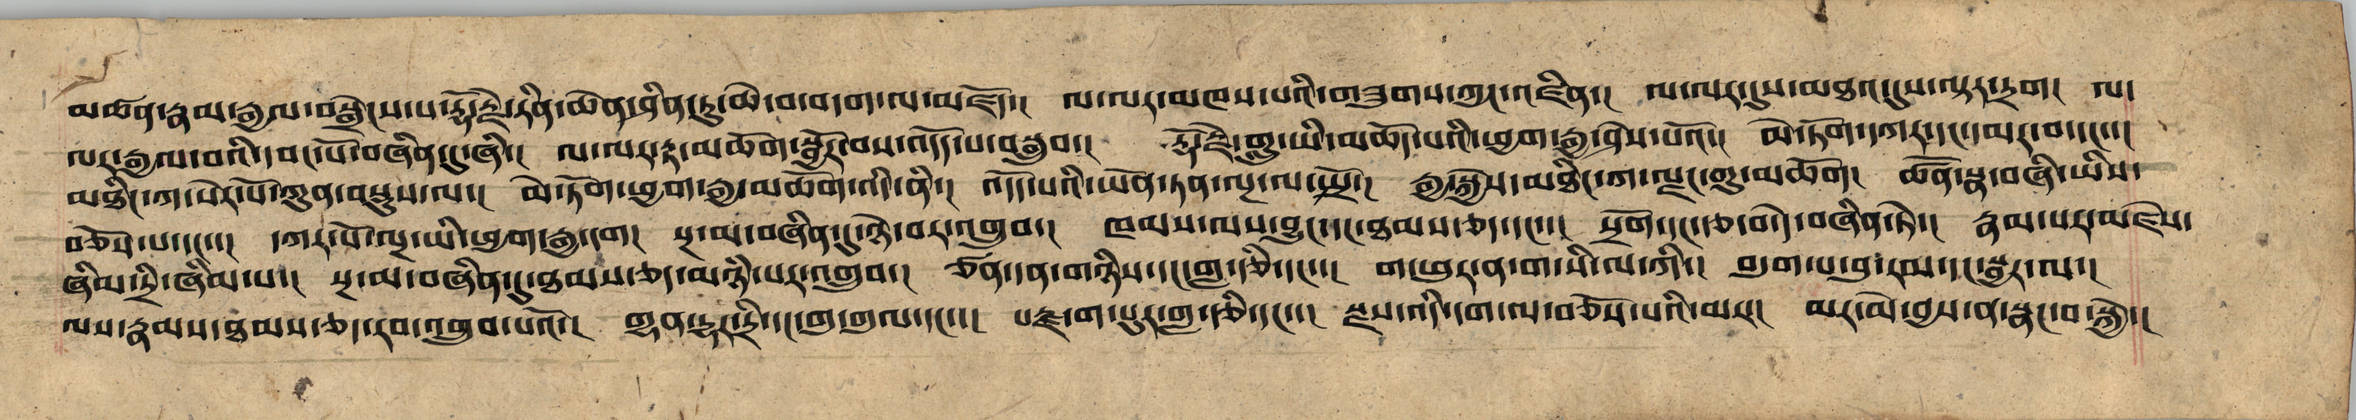མཚན་རྣམ་རྒྱལ་བསྒྲེངས་པ་རྡོ་རྗེ་རིན་ཆེན་ཤིན་ཏུ་ཆེ་བ་བདག་ལ་མཛོད་། ལ་ལར་མཁས་པའི་གཟུགས་ཀྱང་འཛིན་། ལ་ལར་དུས་མཐའ་དུས་ལྟར་དྲག་། ལ་
ལར་རྒྱལ་བའི་དབང་པོ་བཞིན་དུ་ཞི་། ལ་ལར་རྟ་མཆོག་སྦྱོར་བས་འདོད་པ་བསྒྲུབ་། རྡོ་རྗེ་གླུ་ཡི་མཆོད་པའི་ཕྱག་རྒྱ་ཤེས་པའོ་། མེ་ཏོག་དཀར་དང་དམར་བ་དང་་།
མཐིང་ཀ་སེར་པོ་ཀུན་བསྡུས་ལ་། མེ་ཏོག་ཕྱག་རྒྱ་མཆོག་འདི་ནི་། འདོད་པའི་ཡོན་ཏན་ལྔ་ལ་སྤྲོ་། རྒྱ་སྐྱེས་མཐིང་ཀ་ལྗང་གུ་མཆོག། ཚོན་སྣ་བཞི་ཡིས་
བཅོས་པ་དང་། དཀར་པོ་ལྔ་ཡི་ཕྱག་རྒྱ་དག། སྔ་མ་བཞིན་དུ་ཉེ་བར་འགྲུབ་། ཁམས་ལས་བྱུང་དང་ཐམས་ཅད་དང་་། སྲོག་དང་རྩ་བ་དེ་བཞིན་ཏེ་། རྣམ་པར་མཛེས་
ཞིམ་དྲི་ཞིམ་པ་། སྔ་མ་བཞིན་དུ་ཐམས་ཅད་མཉཾ་པར་འགྲུབ་། ཙན་དན་གཉིས་དང་གླ་རྩི་དང་་། ག་ཕུར་ན་ག་སི་ལ་ཀི་། བདུག་པ་བུ་རམ་དང་སྦྱར་ལ་།
ལས་རྣམས་ཐམས་ཅད་རབ་འགྲུབ་པའོ་། གྷན་དྷར་དྲི་དང་གུ་གུལ་དང་་། པརྫ་ག་པུར་གླ་རྩི་དང་་། སྫས་འདི་དག་ལ་བཅོས་པའི་མར་། མར་མེ་བྱས་ན་སྣང་བ་སྐྱེ་།